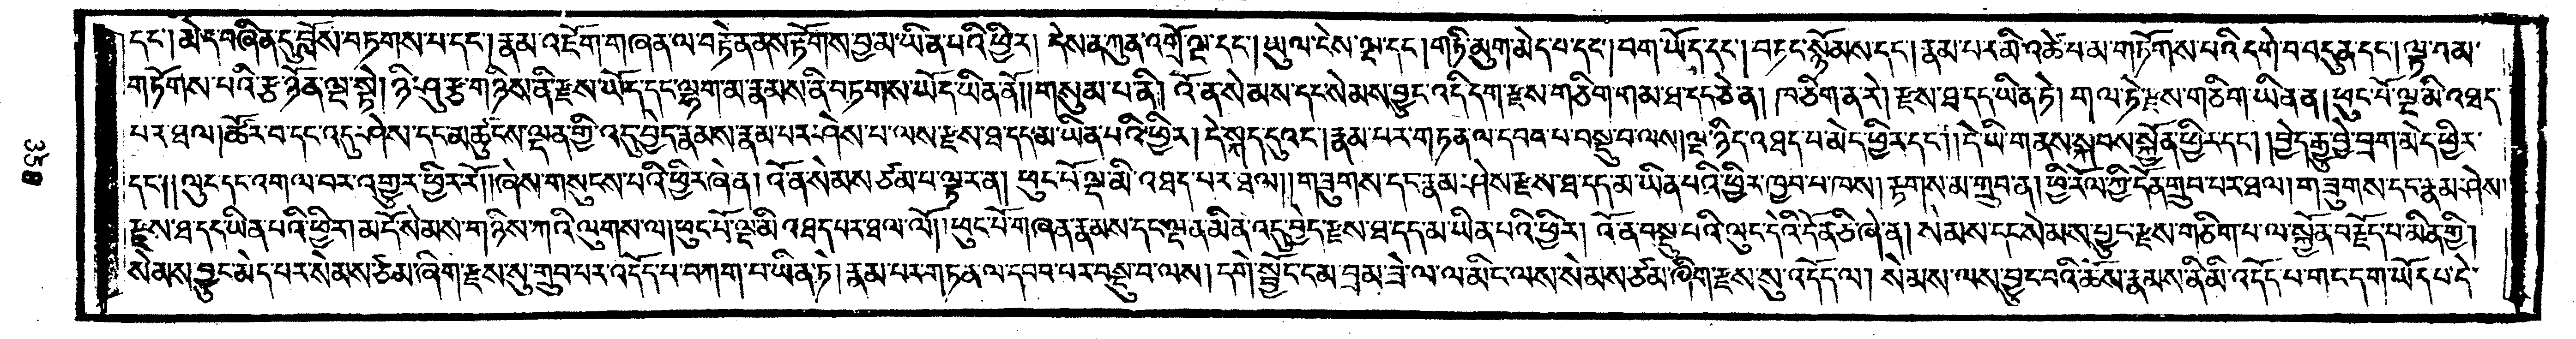དང་། མེད་བཞིན་དུ་བློས་བཏགས་པ་དང་། རྣམ་འཇོག་གཞན་ལ་བརྟེན་ནས་རྟོགས་བྱ་མ་ཡིན་པའི་ཕྱིར། དེས་ན་ཀུན་འགྲོ་ལྔ་དང་། ཡུལ་ངེས་ལྔ་དང་། གཏི་མུག་མེད་པ་དང་། བག་ཡོད་དང་། བཏང་སྙོམས་དང་། རྣམ་པར་མི་འཚེ་བ་མ་གཏོགས་པའི་དགེ་བ་བདུན་དང་། ལྟ་བ་མ་
གཏོགས་པའི་རྩ་ཉོན་ལྔ་སྟེ། ཉི་ཤུ་རྩ་གཉིས་ནི་རྫས་ཡོད་དང་ལྷག་མ་རྣམས་ནི་བཏགས་ཡོད་ཡིན་ནོ། །གསུམ་པ་ནི། འོ་ན་སེམས་དང་སེམས་བྱུང་འདི་དག་རྫས་གཅིག་གམ་ཐ་དད་ཅེ་ན། ཁ་ཅིག་ན་རེ། རྫས་ཐ་དད་ཡིན་ཏེ། གལ་ཏེ་རྫས་གཅིག་ཡིན་ན། ཕུང་པོ་ལྔ་མི་འཐད་
པར་ཐལ། ཚོར་བ་དང་འདུ་ཤེས་དང་མཚུངས་ལྡན་གྱི་འདུ་བྱེད་རྣམས་རྣམ་པར་ཤེས་པ་ལས་རྫས་ཐ་དད་མ་ཡིན་པའི་ཕྱིར། དེ་སྐད་དུའང་། རྣམ་པར་གཏན་ལ་དབབ་པ་བསྡུ་བ་ལས། ལྔ་ཉིད་འཐད་པ་མེད་ཕྱིར་དང་། །དེ་ཡི་གནས་སྐབས་སྐྱོན་ཕྱིར་དང་། །བྱེད་རྒྱུ་བྱེ་བྲག་མེད་ཕྱིར་
དང༑ ༑ལུང་དང་འགལ་བར་འགྱུར་ཕྱིར་རོ། །ཞེས་གསུངས་པའི་ཕྱིར་ཞེ་ན། འོ་ན་སེམས་ཙམ་པ་ལྟར་ན། ཕུང་པོ་ལྔ་མི་འཐད་པར་ཐལ། །གཟུགས་དང་རྣམ་ཤེས་རྫས་ཐ་དད་མ་ཡིན་པའི་ཕྱིར་ཁྱབ་པ་ཁས། རྟགས་མ་གྲུབ་ན། ཕྱི་རོལ་གྱི་དོན་གྲུབ་པར་ཐལ། གཟུགས་དང་རྣམ་ཤེས་
རྫས་ཐ་དད་ཡིན་པའི་ཕྱིར། མདོ་སེམས་གཉིས་ཀའི་ལུགས་ལ། ཕུང་པོ་ལྔ་མི་འཐད་པར་ཐལ་ལོ། །ཕུང་པོ་གཞན་རྣམས་དང་ལྡན་མིན་འདུ་བྱེད་རྫས་ཐ་དད་མ་ཡིན་པའི་ཕྱིར། འོ་ན་བསྡུ་བའི་ལུང་དེའི་དོན་ཅི་ཞེ་ན། སེམས་དང་སེམས་བྱུང་རྫས་གཅིག་པ་ལ་སྐྱོན་བརྗོད་པ་མིན་གྱི།
སེམས་བྱུང་མེད་པར་སེམས་ཙམ་ཞིག་?་རྫས་སུ་གྲུབ་པར་འདོད་པ་བཀག་པ་ཡིན་ཏེ། རྣམ་པར་གཏན་ལ་དབབ་པར་བསྡུ་བ་ལས། དགེ་སྦྱོང་ངམ་བྲམ་ཟེ་ལ་ལ་མིང་ལས་སེམས་ཙམ་ཞིག་རྫས་སུ་འདོད་ལ། སེམས་ལས་བྱུང་བའི་ཆོས་རྣམས་ནི་མི་འདོད་པ་གང་དག་ཡོད་པ་དེ་